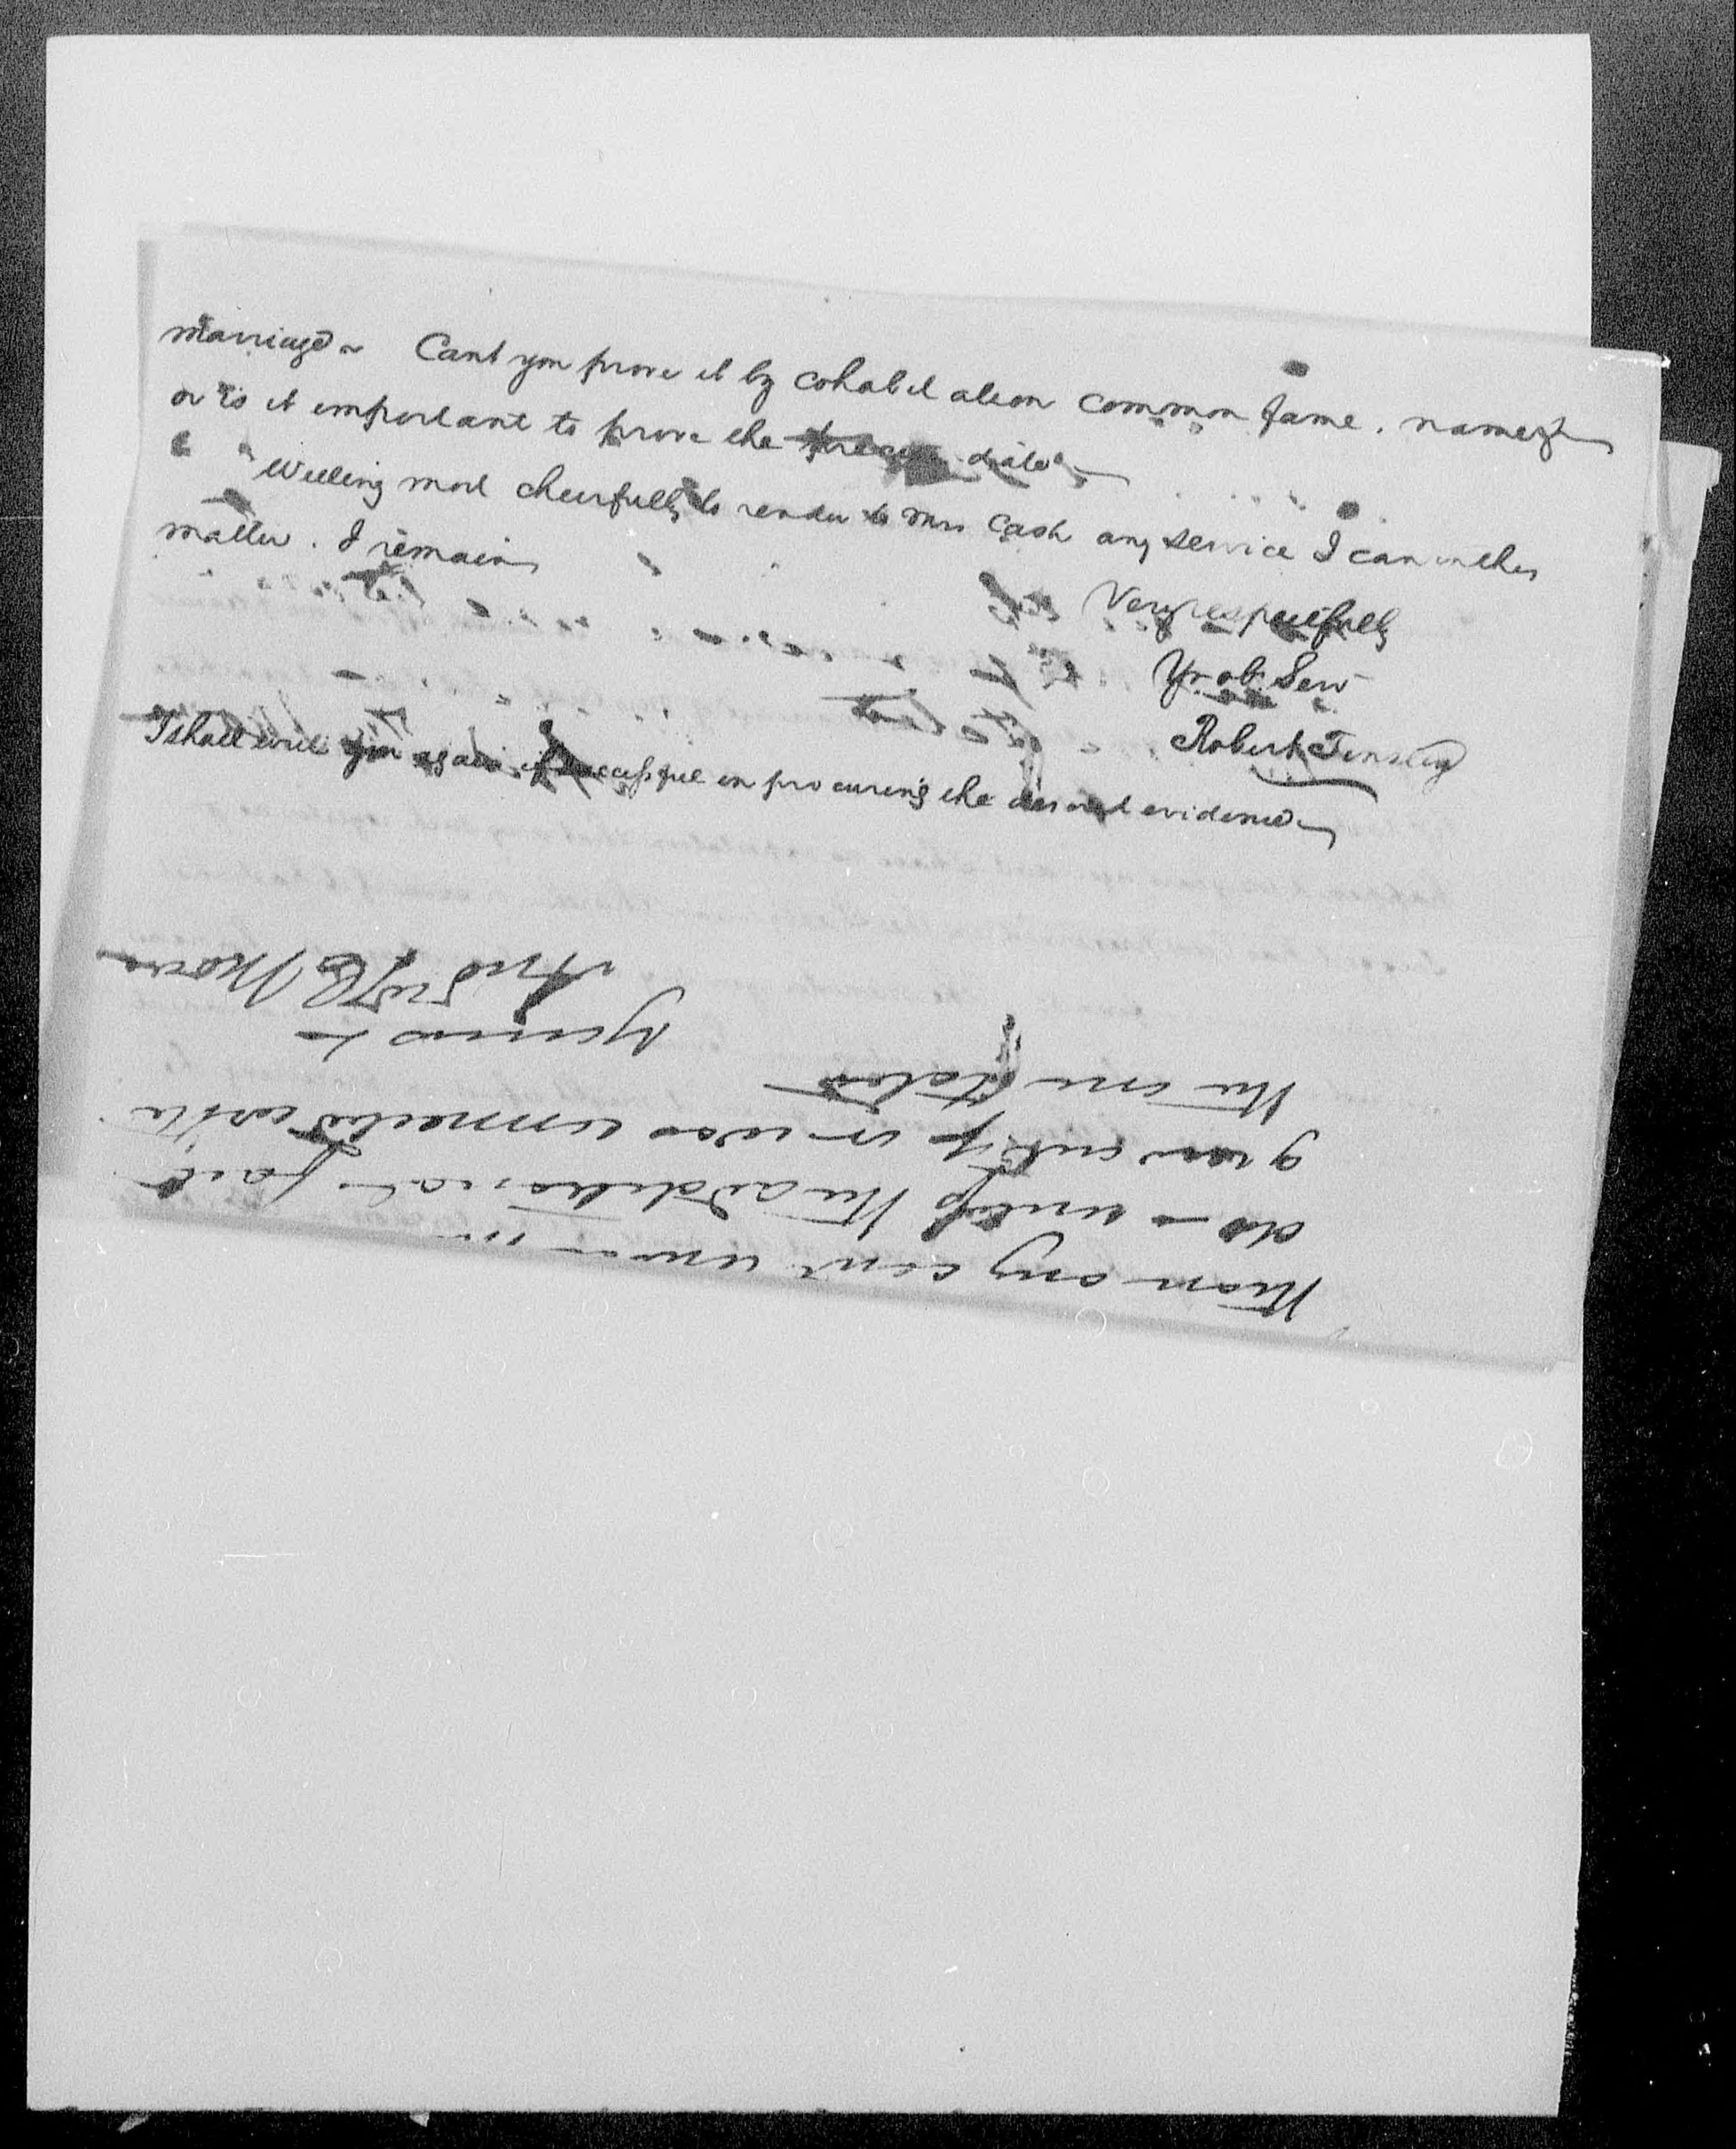marriage. Can't you prove it by cohabitation, common fame, names
or is it important to prove they did ....
Willing more cheerful to render to Mrs. Cash any service I can in this 
matter. I remain
Very respectfully,
Your obedient servant,
Robert Tensley

I shall write you if I am successful in obtaining evidence.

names: Robert Tensley, Cash, Andw H Moore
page: 56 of 73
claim: widow's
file: W. 5,894, John Cash, Va.